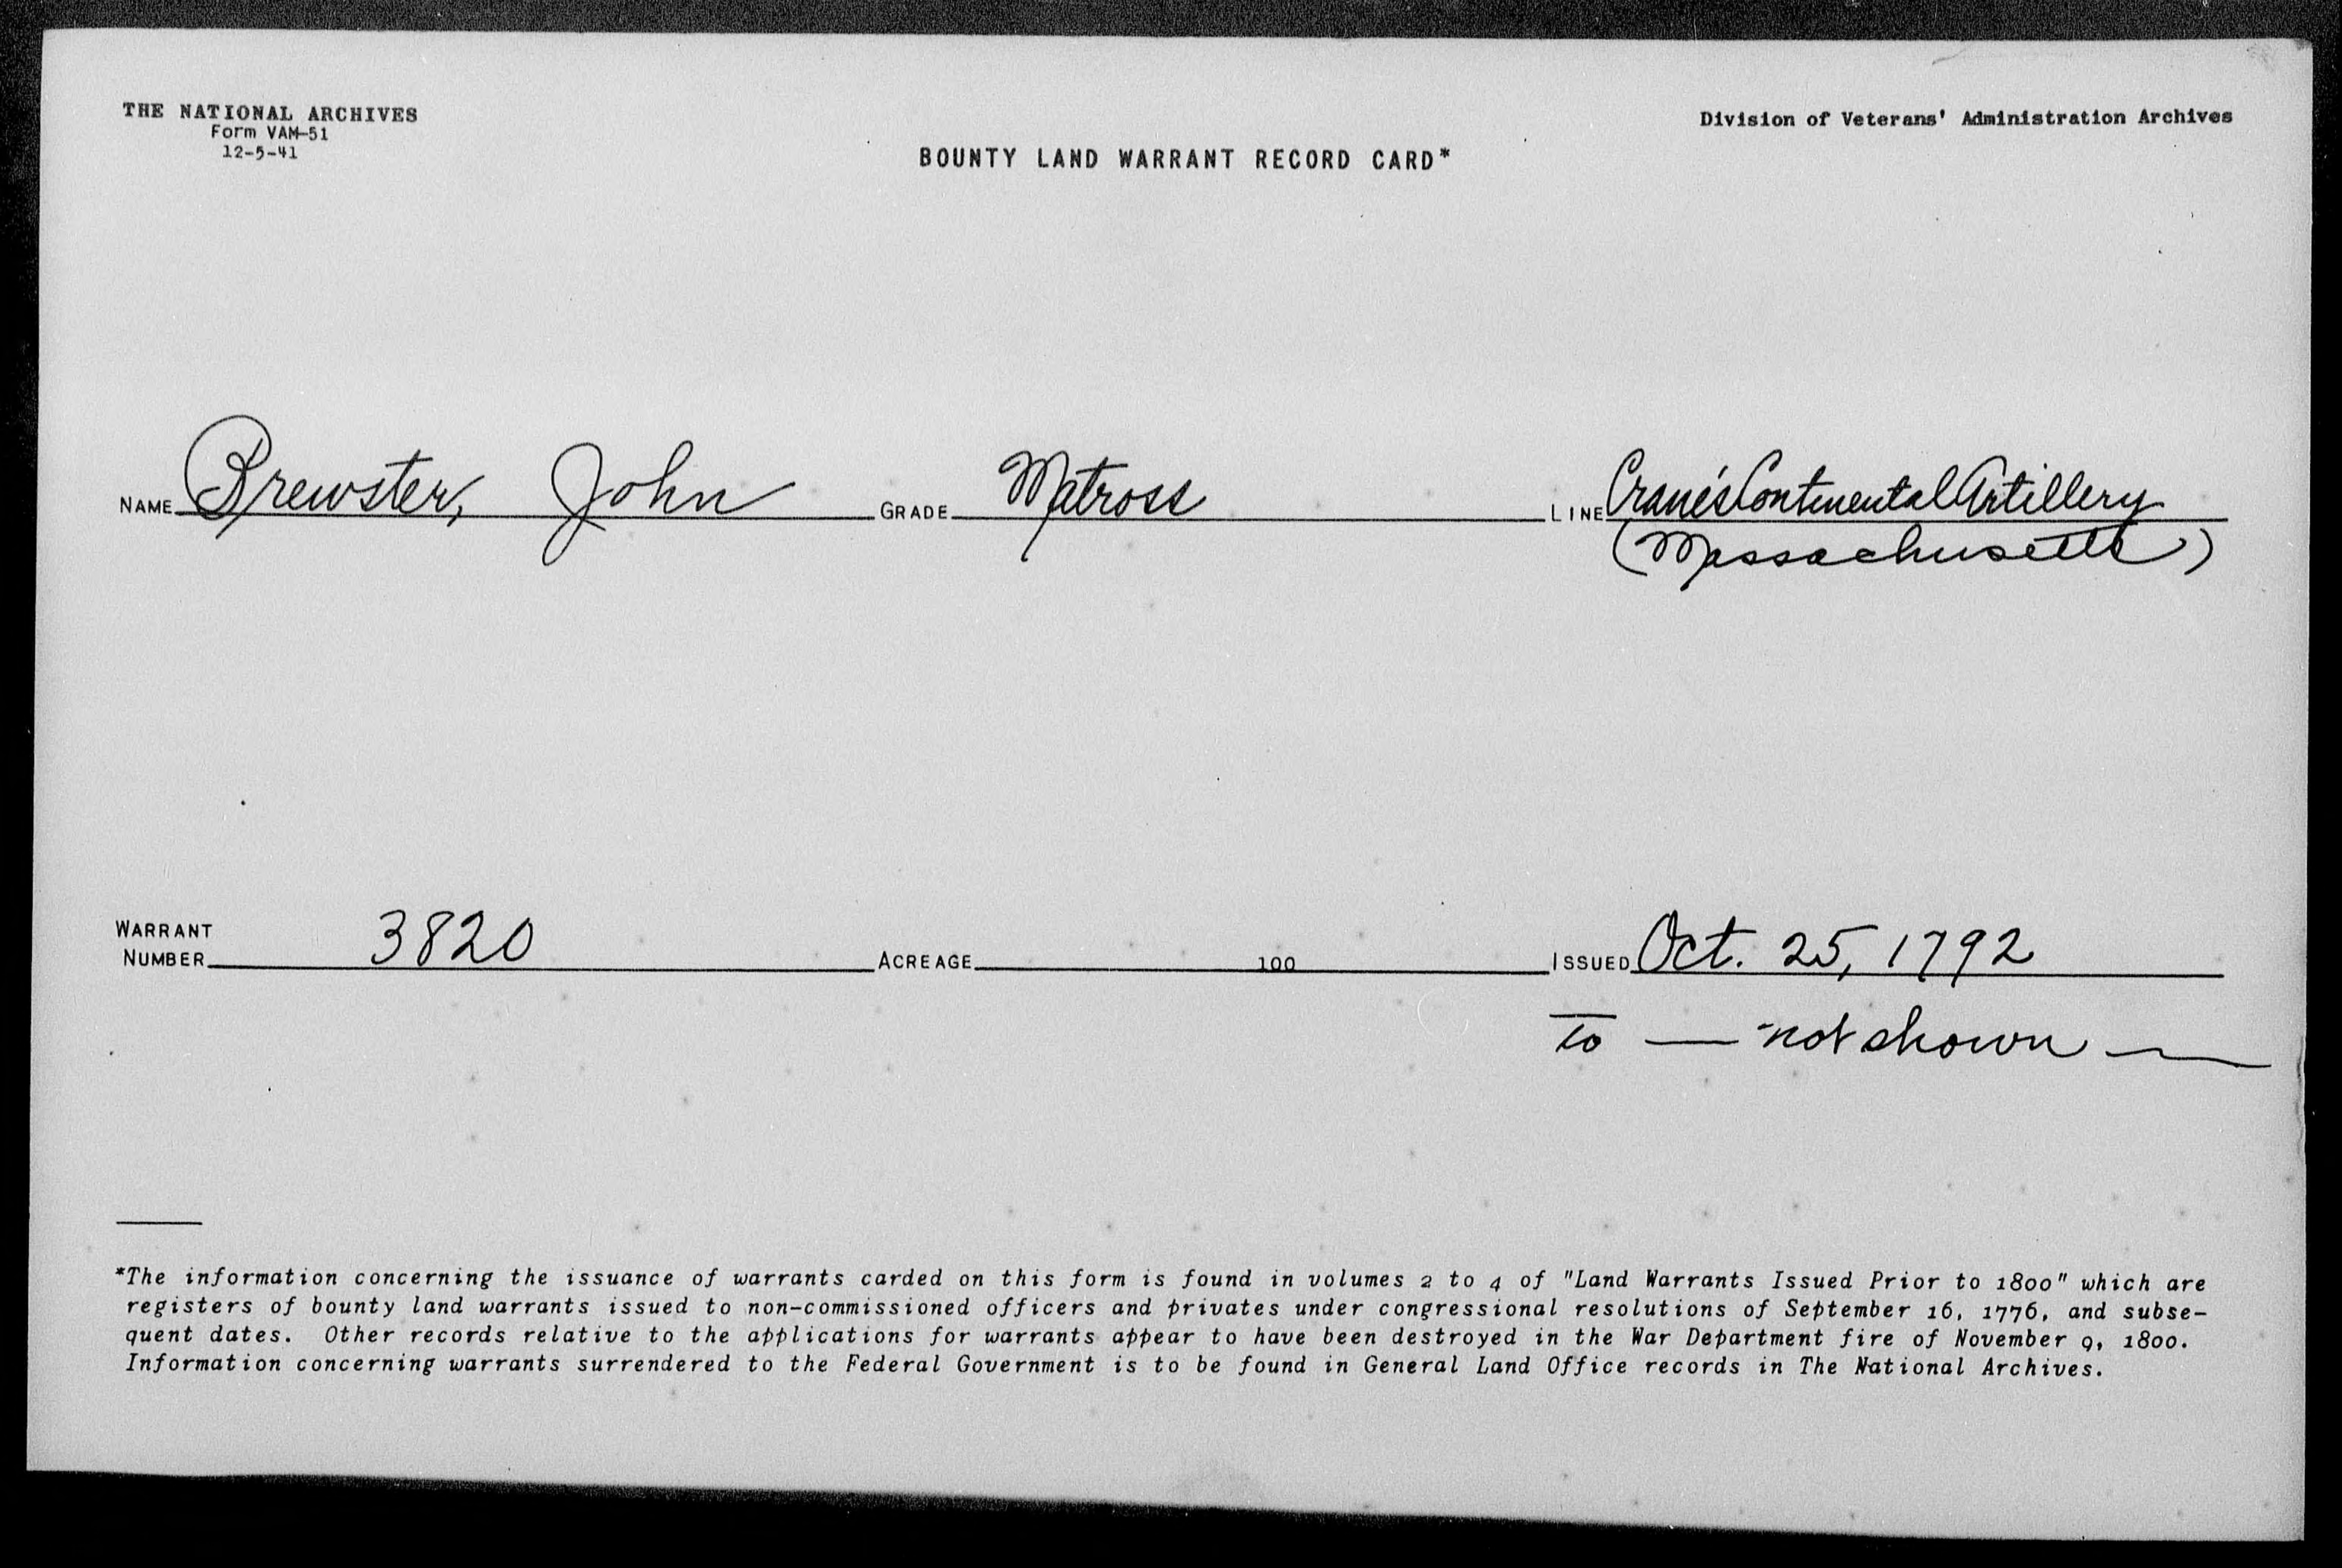Brewster, John  Matross  Crane's continental Artillery ( Massachusetts)
warrant number 3820  Oct. 25, 1792 to--- not shown--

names: John Brewster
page: 26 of 26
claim: survivor's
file: S. 12,291, Jesse Brewster, New York